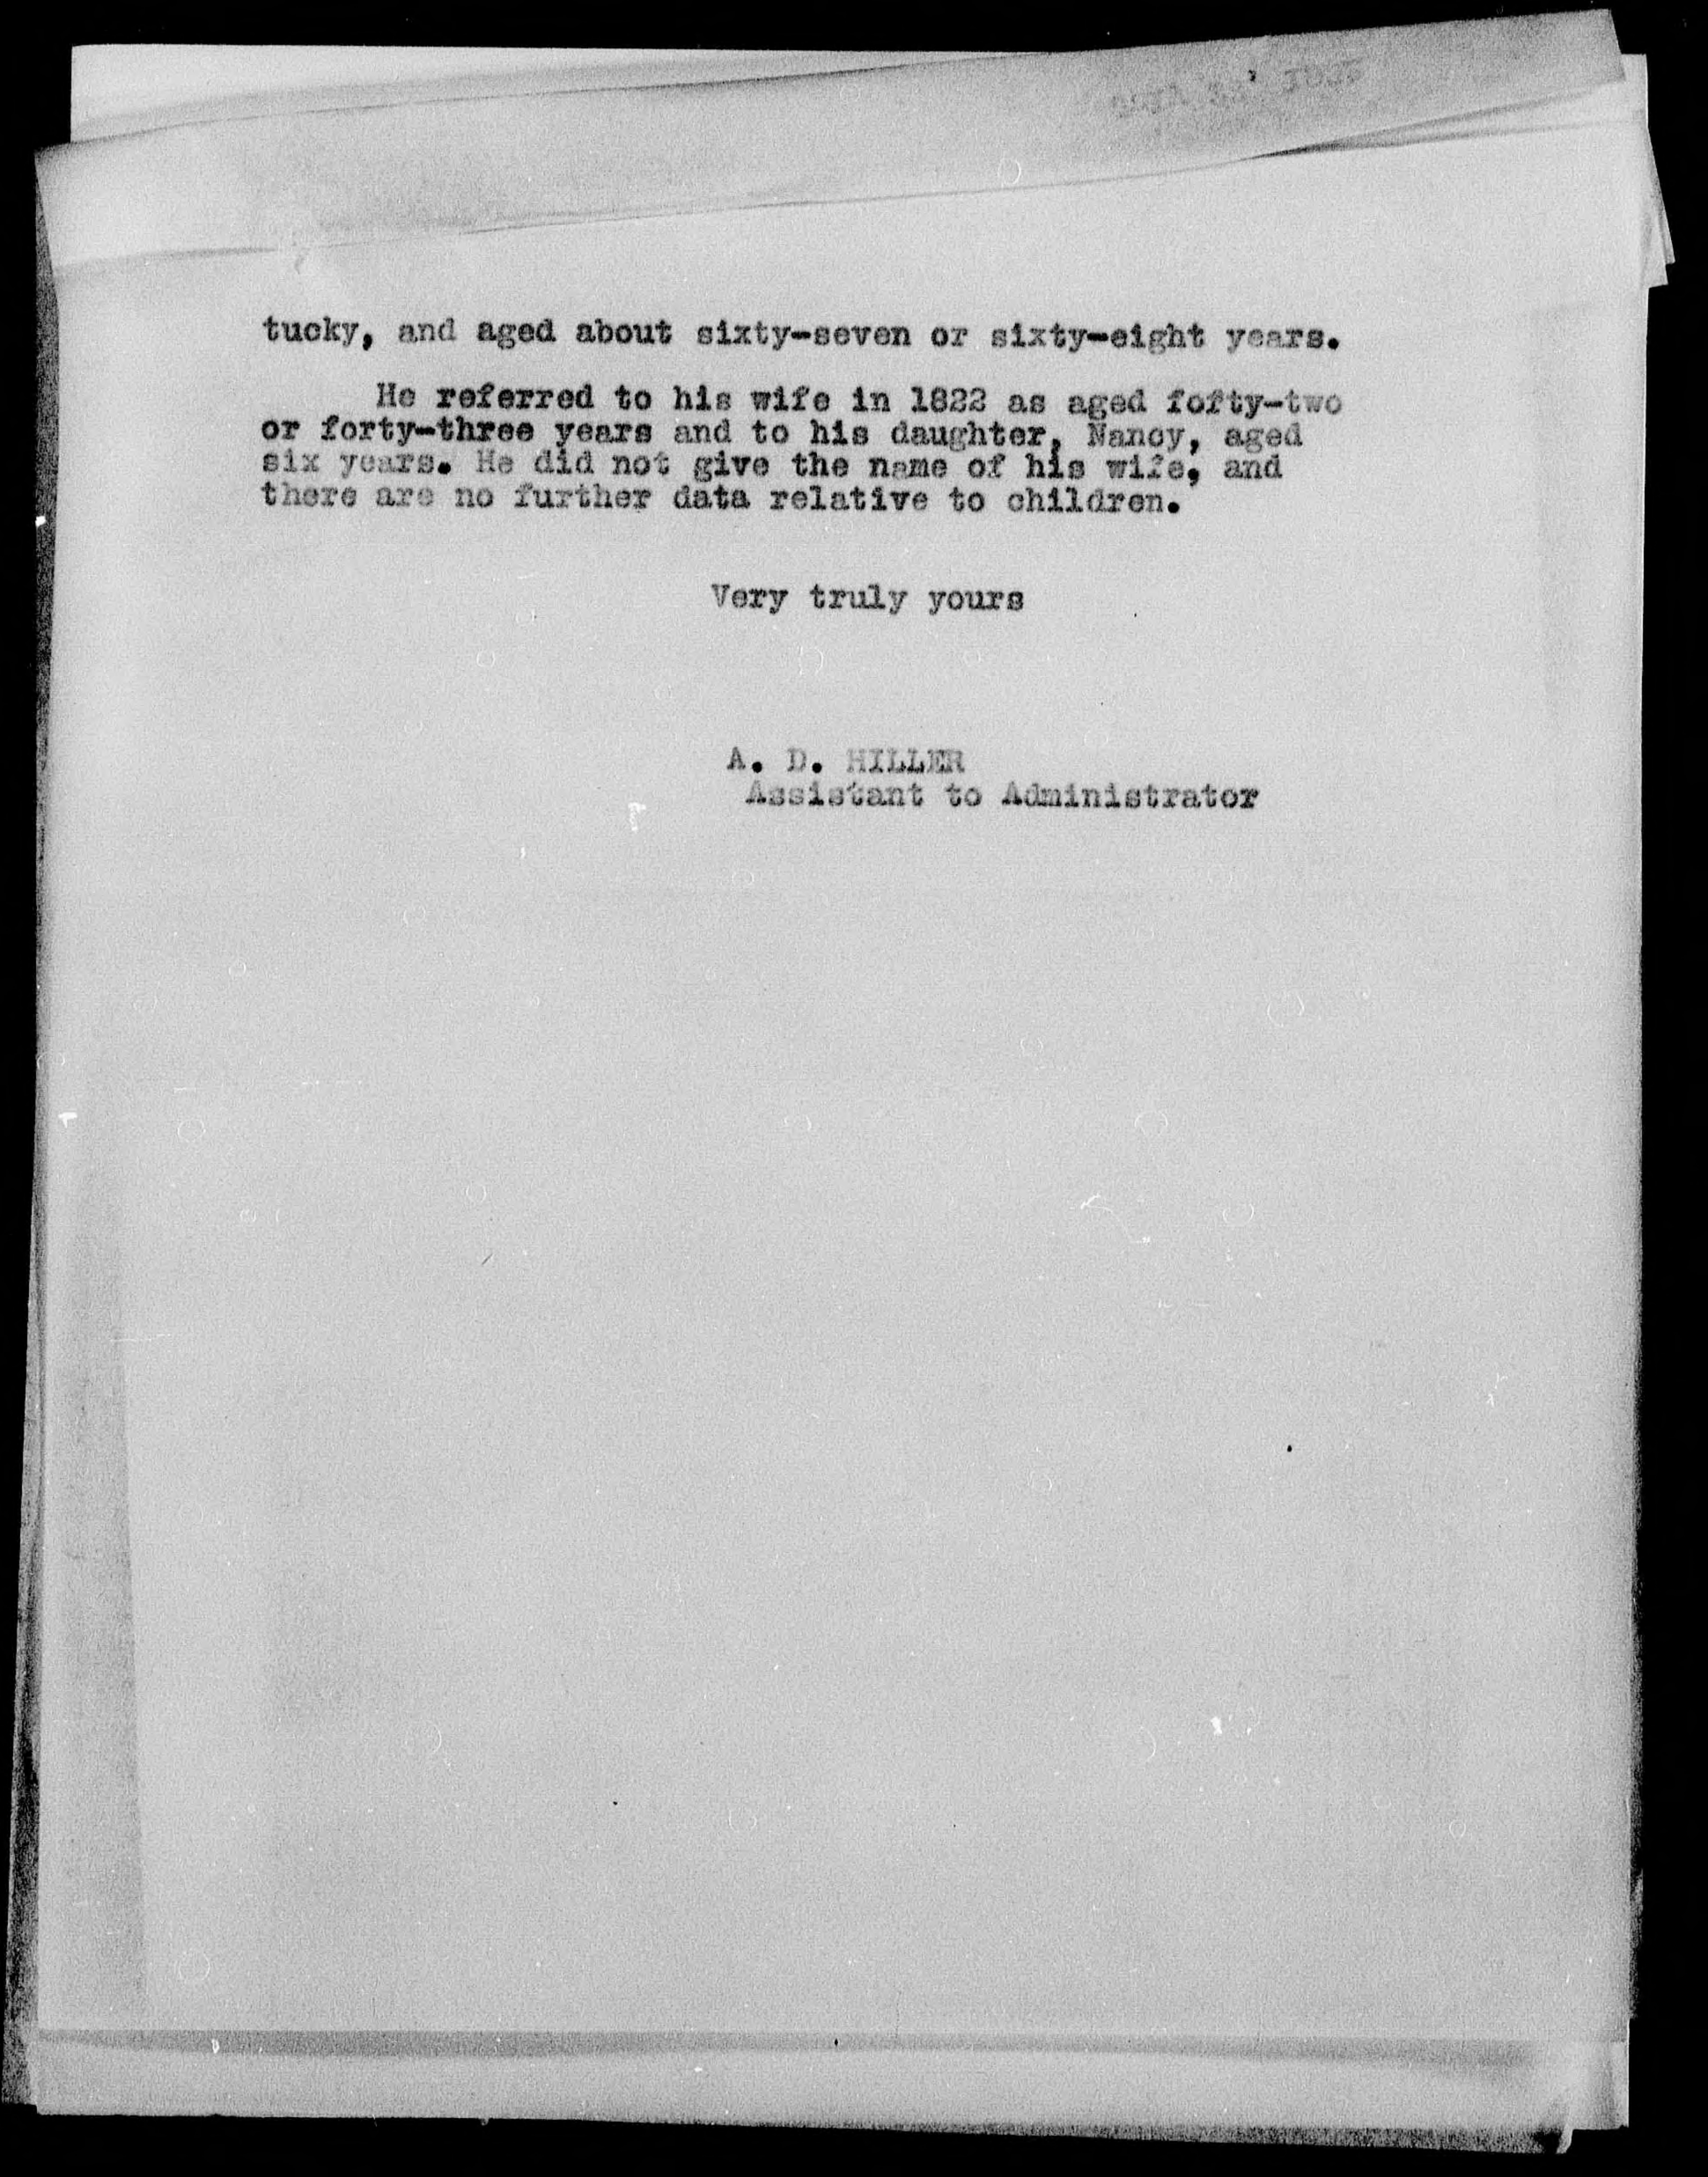tucky, and aged about sixty-seven or sixty eight 
 years

He referred to his wife 1822 as aged forty-two
or forty-three years and to his daughter, Nancy , 
 aged 
six years. He did give the name of his of his wife, and
there are no further data relative to children.

Very truly yours,

A.D. Hiller
Assistant to Administrator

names: A D Hiller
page: 14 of 21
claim: survivor's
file: S. 35,788, William Brown, Va.